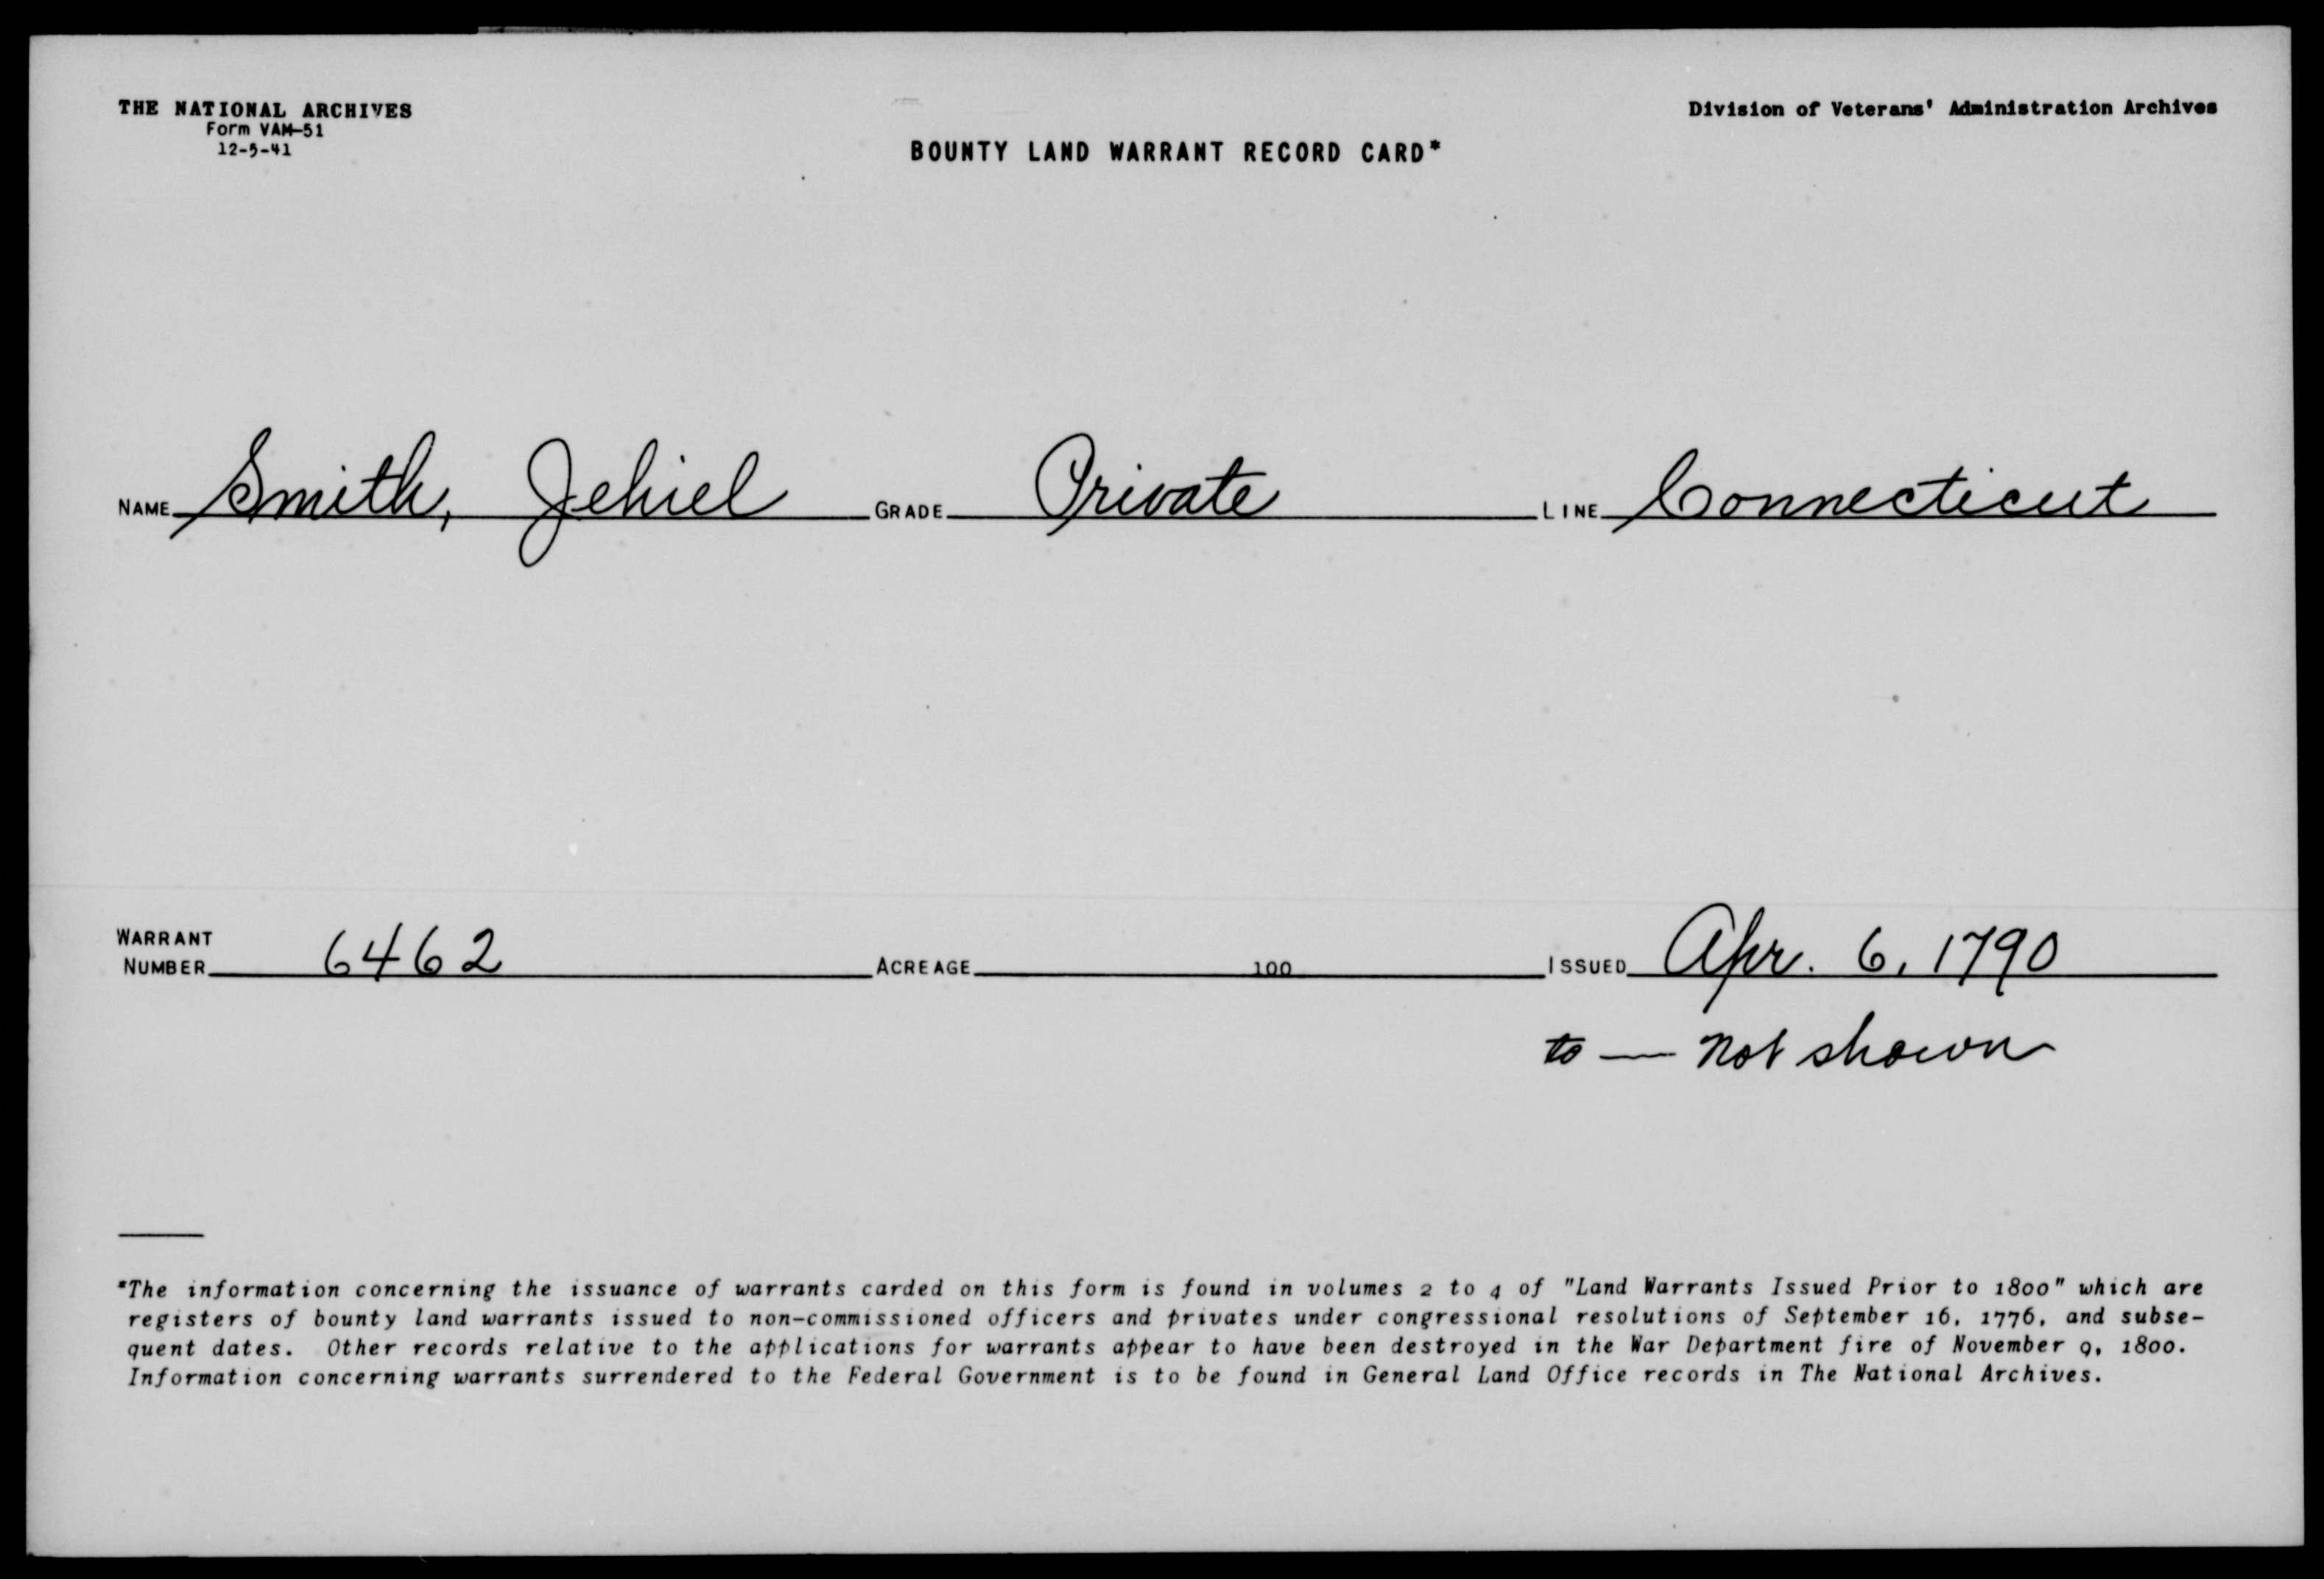THE NATIONAL ARCHIVES
Form VAN-51-
12-5-41
BOUNTY LAND WARRANT RECORD CARD*
Division of Veterans' Administration Archives
NAME Smith, Jehiel 
GRADE Private
LINE Connecticut 
WARRANT NUMBER 6462
ACREAGE. 100 
ISSUED Apr. 6. 1790
to not shown
The information concerning the issuance of warrants carded on this form is found in volumes 2 to 4 of ""Land Warrants Issued Prior to 1800"" which are
registers of bounty land warrants issued to non-commissioned officers and privates under congressional resolutions of September 16, 1776, and subsequent
dates. Other records relative to the applications for warrants appear to have been destroyed in the War Department fire of November 9, 1800.
Information concerning warrants surrendered to the Federal Government is to be found in General Land Office records in The National Archives.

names: Jehiel Smith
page: 19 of 19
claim: survivor's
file: S. 16250, for Jeffery Smith, Connecticut